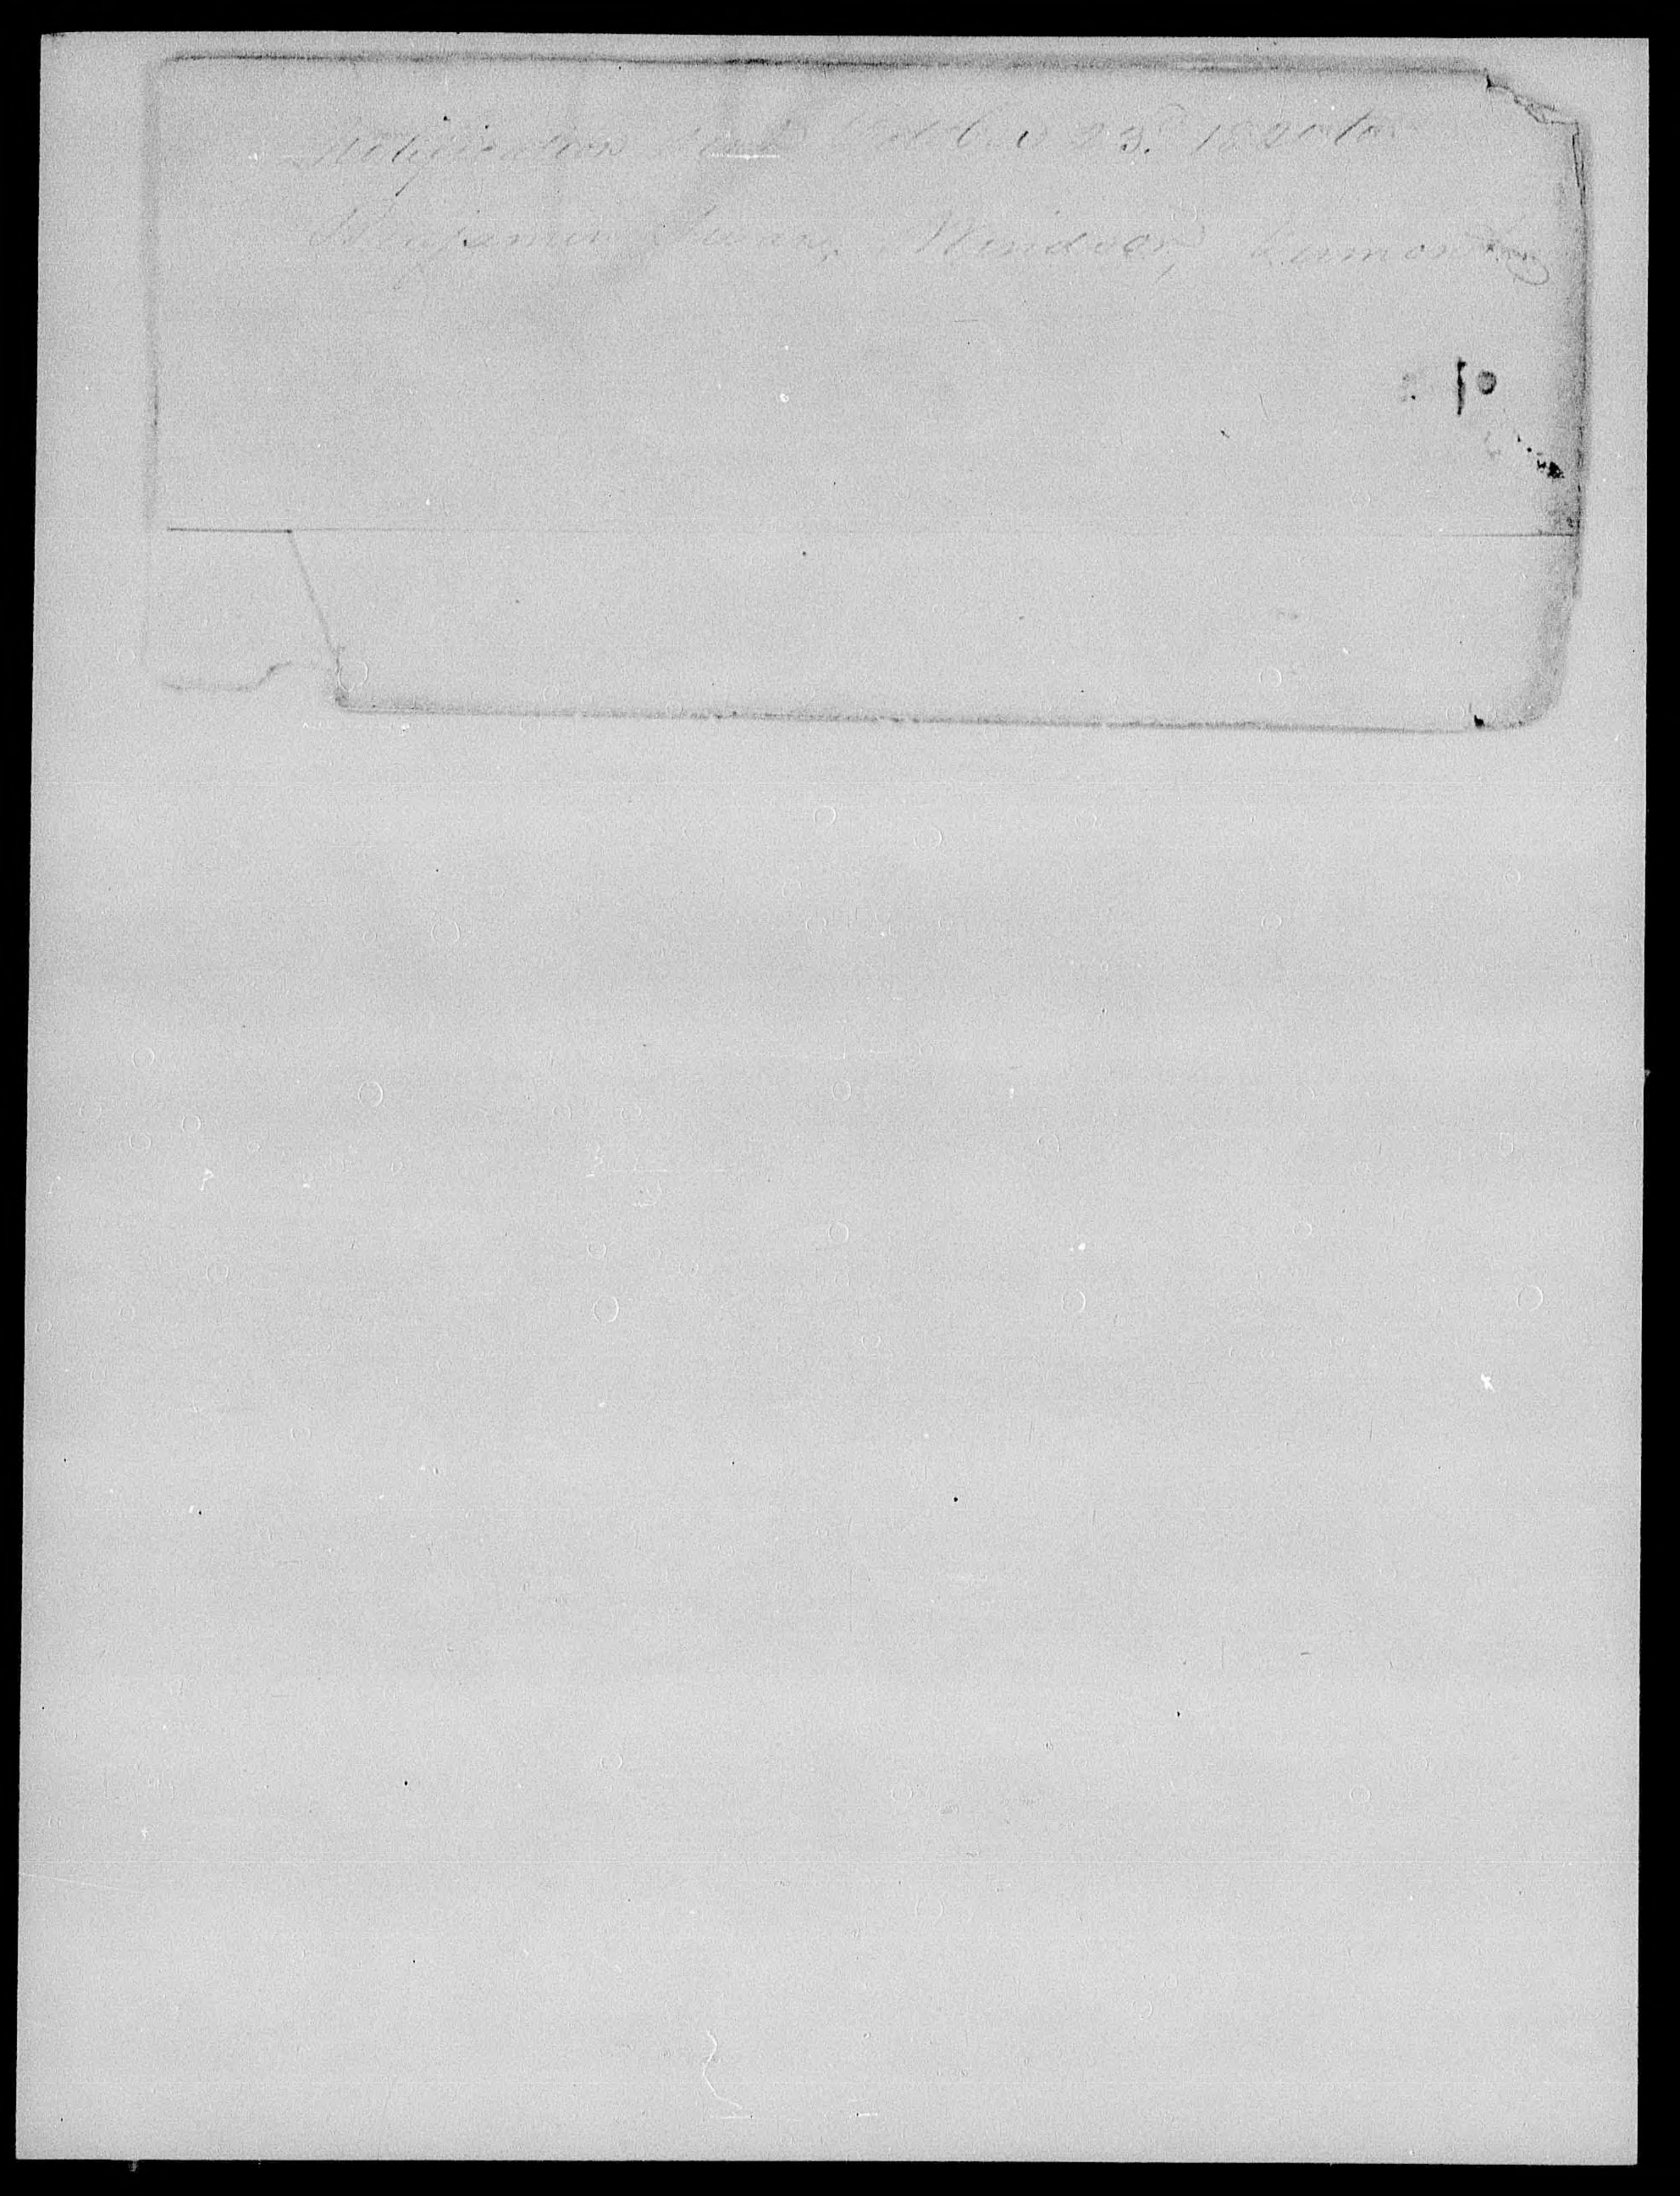[very faint]
Certificat sent Heald

Windsor, Vermont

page: 3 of 12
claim: survivor's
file: S. 40,907, for John Knowze, Massachusetts